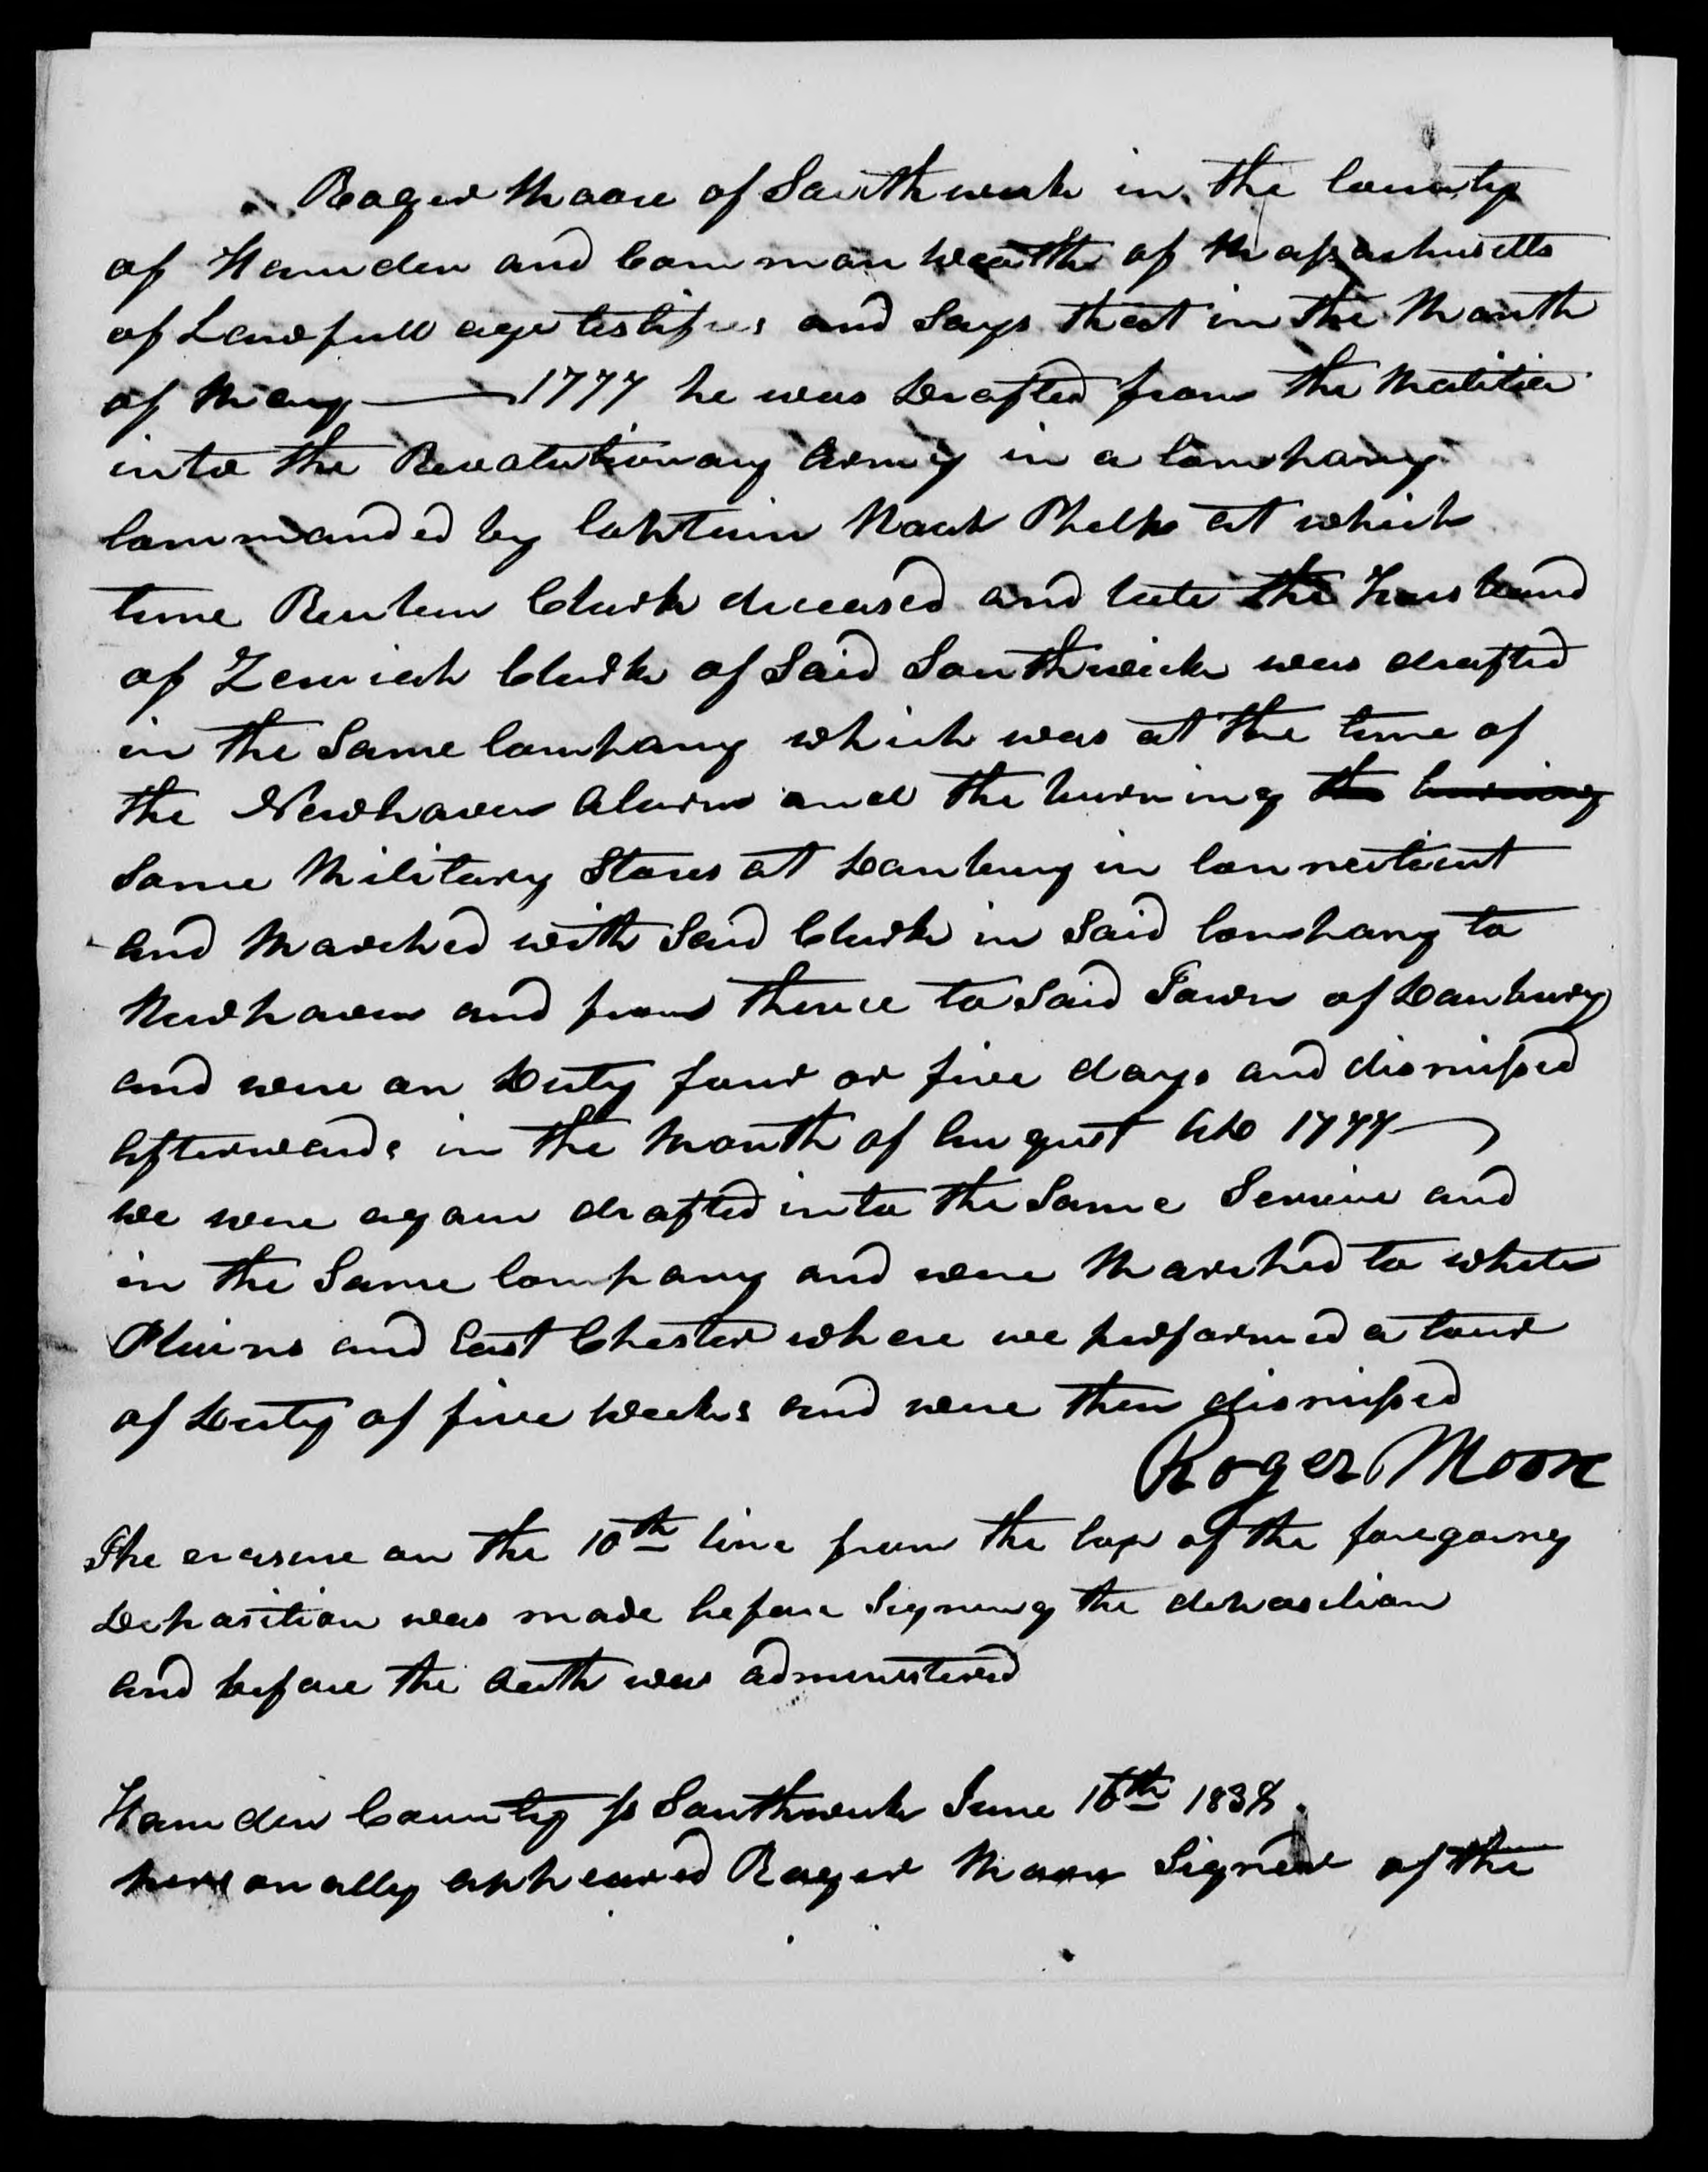[handwritten]
Roger Moore of Southwick in the County of Hamden and Commonwealth of Massachusetts of Lawfull age testifies and Says that in the Month of May ~ 1777 he was Drafted from the Militia into the Revolutionary Army in a Company Commanded by Captain Noah Phelps at which time Reuben Clark deceased and late the husband of Zeruiah Clark of Said Southwick was drafted in the Same Company which was at the time of the Newhaven Alarm and the burning Same Military Stores at Danbury in Connecticut and Marched with Said Clark in Said Company to Newhaven and from there to Said Town of Danbury and were on Duty four or five days and dismissed after in the Month of August AD 1777 ~ we were again drafted into the Same Service and in the Same Company and were Marched to White Plains and East Chester where we performed a tour of Duty of five weeks and were then dismissed.
[signed] Roger Moore

The erasure on the 10th line from the top of the foregoing Deposition was made before Signing the declaration and before the oath was administered.

Hamden County ss Southwick June 16th 1838
Personally appeared Roger Moore Signed of the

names: Roger Moore, Roger Moore, Roger Moore, Noah Phelps, Reuben Clark, Zeruiah Clark, Clark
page: 19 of 26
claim: widow's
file: W. 14483, Reuben Clark, Conn.